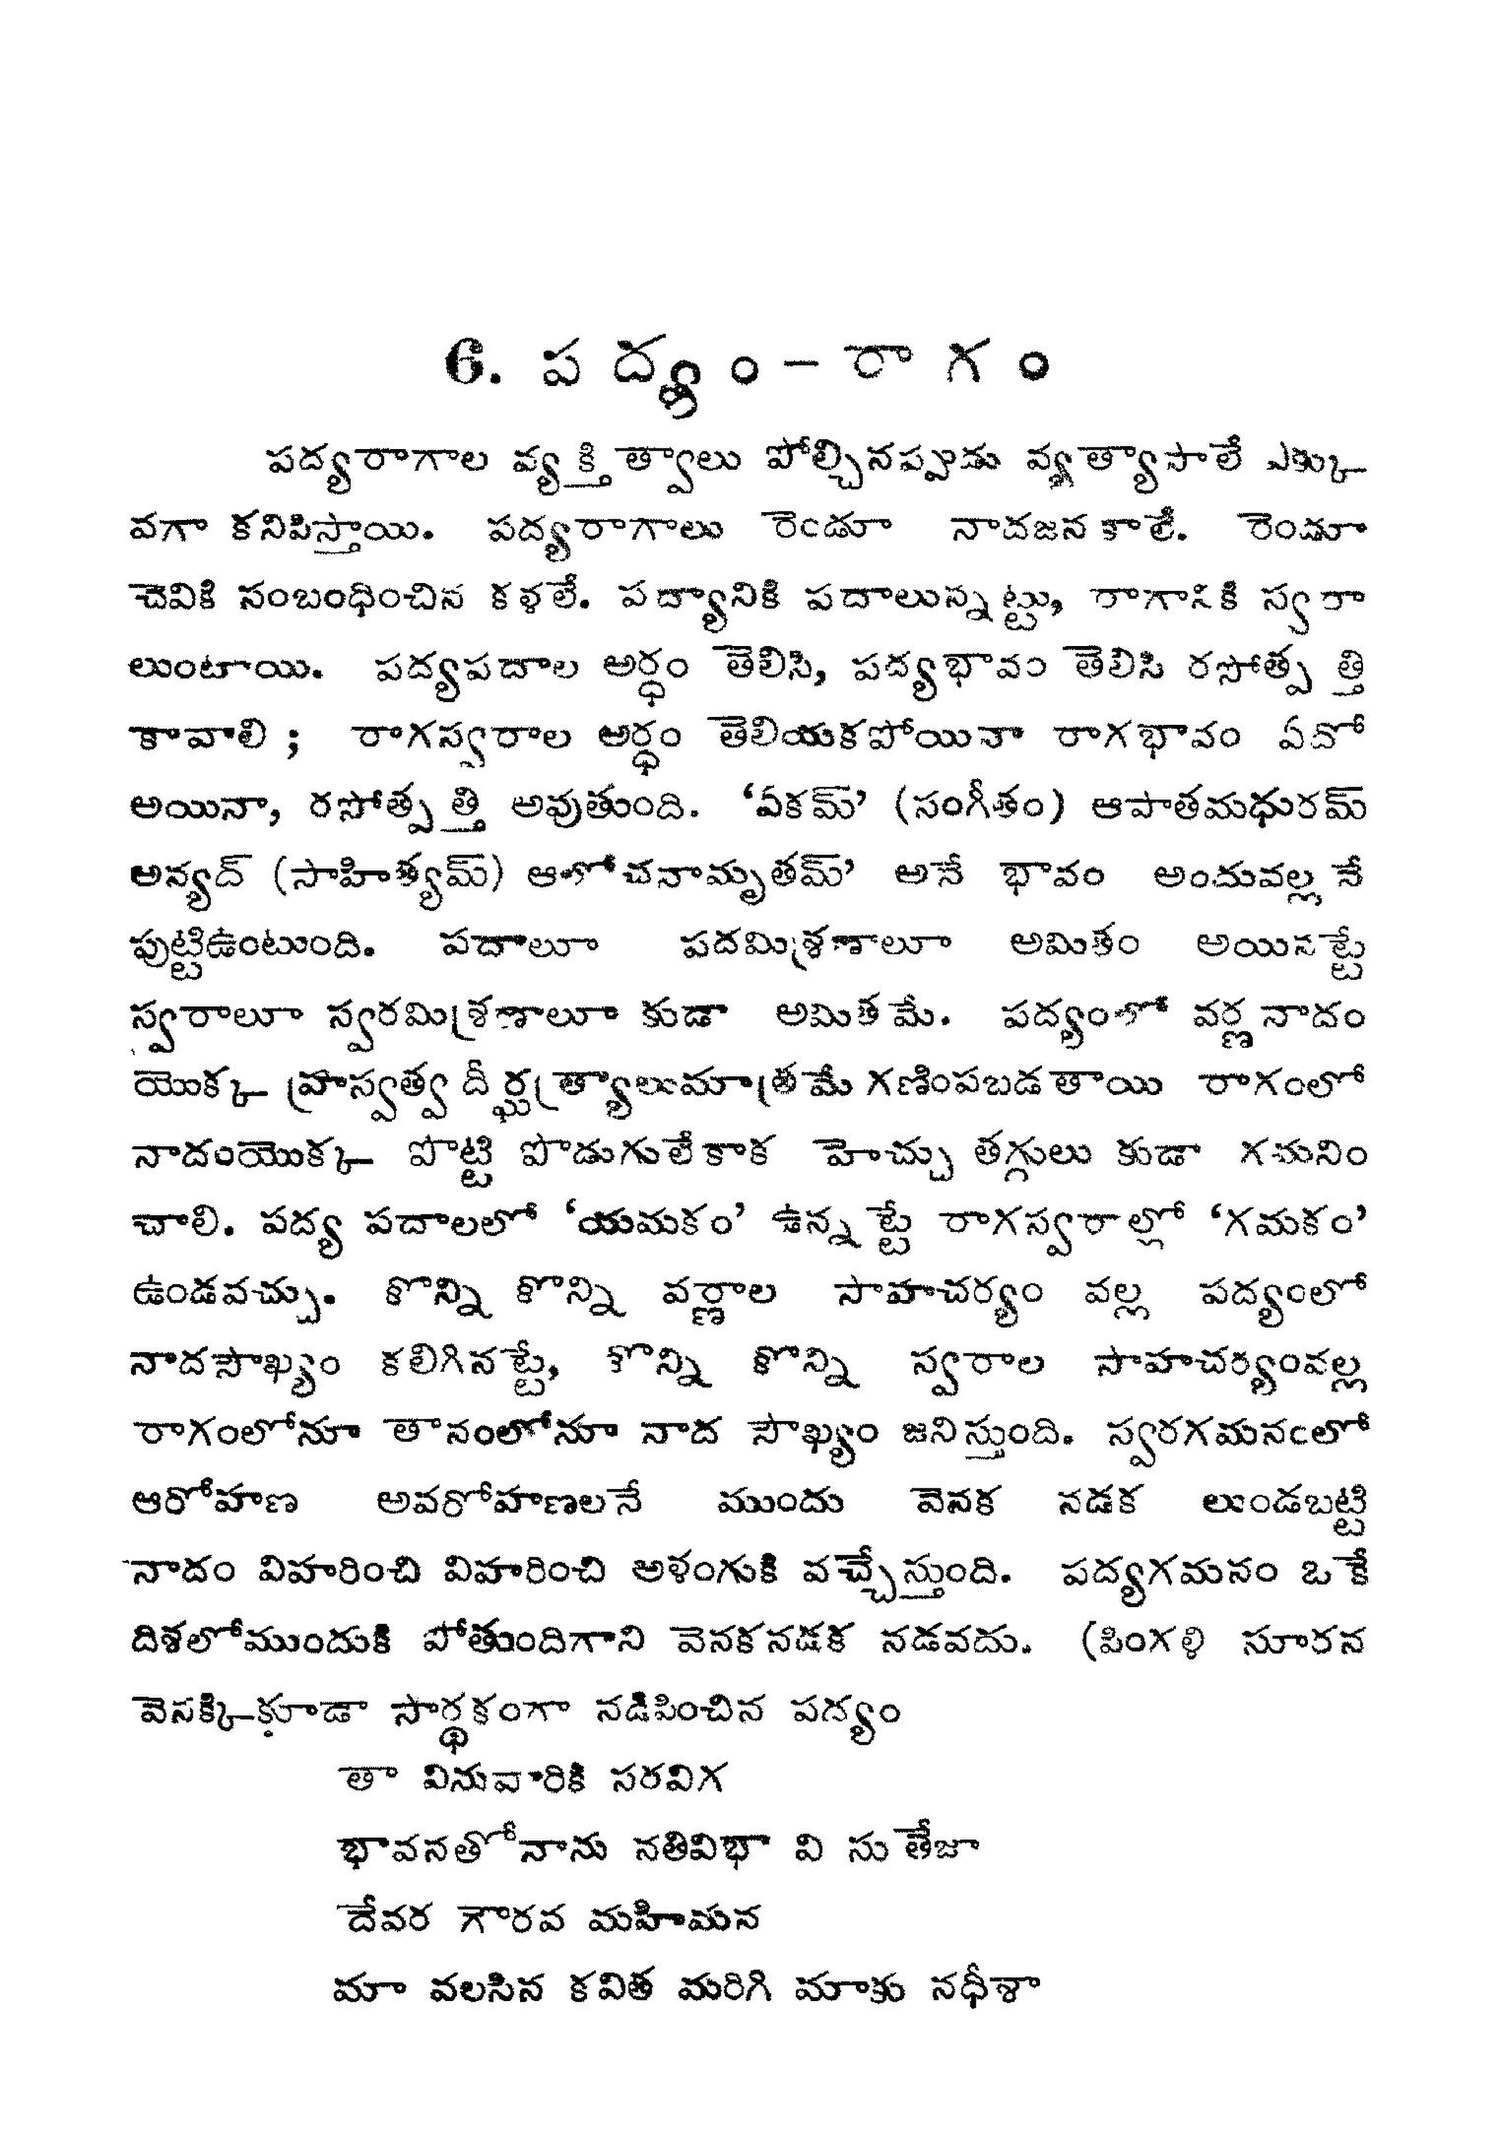6. పద్యం - రాగం

పద్యరాగాల వ్యక్తి త్వాలు పోల్చినప్పుడు వ్యత్యాసాలే ఎక్కు
వగా కనిపిస్తాయి. పద్యరాగాలు రెండూ నాదజనకాలే. రెండూ
చెవికి సంబంధించిన కళలే. పద్యానికి పదాలున్నట్టు, రాగానికి స్వరా
లుంటాయి. పద్యపదాల అర్ధం తెలిసి, పద్యభావం తెలిసి రసోత్పత్తి
కావాలి ; రాగస్వరాల అర్ధం తెలియకపోయినా రాగభావం ఏదో
అయినా, రసోత్పత్తి అవుతుంది. 'ఏకమ్' (సంగీతం) ఆపాతమధురమ్
అన్యద్ (సాహిత్యమ్) ఆలోచనామృతమ్' అనే భావం అందువల్ల నే
పుట్టిఉంటుంది. పదాలూ పదమిశ్రణాలూ అమితం అయినట్టే
స్వరాలూ స్వరమిశ్రణాలూ కుడా అమితమే. పద్యంలో వర్ణనాదం
యొక్క హ్రస్వత్వ దీర్ఘత్ర్యాలుమాత్రమే గణింపబడతాయి రాగంలో
నాదంయొక్క పొట్టి పొడుగులేకాక హెచ్చు తగ్గులు కుడా గమనిం
చాలి. పద్య పదాలలో 'యమకం' ఉన్నట్టే రాగస్వరాల్లో 'గమకం'
ఉండవచ్చు. కొన్ని కొన్ని వర్ణాల సాహచర్యం వల్ల పద్యంలో
నాదసౌఖ్యం కలిగినట్టే, కొన్ని కొన్ని స్వరాల సాహచర్యంవల్ల
రాగంలోనూ తానంలోనూ నాద సౌఖ్యం జనిస్తుంది. స్వరగమనంలో
ఆరోహణ అవరోహణలనే ముందు వెనక నడక లుండబట్టి
నాదం విహరించి విహరించి అళంగుకి వచ్చేస్తుంది. పద్యగమనం ఒకే
దిశలోముందుకి పోతుందిగాని వెనకనడక నడవదు. (పింగళి సూరన
వెనక్కికూడా సార్థకంగా నడిపించిన పద్యం

తా వినువారికి సరవిగ
భావనతోనాను నతివిభా వి సుతేజా
దేవర గౌరవ మహిమన
మా వలసిన కవిత మరిగి మాకు నధీశా